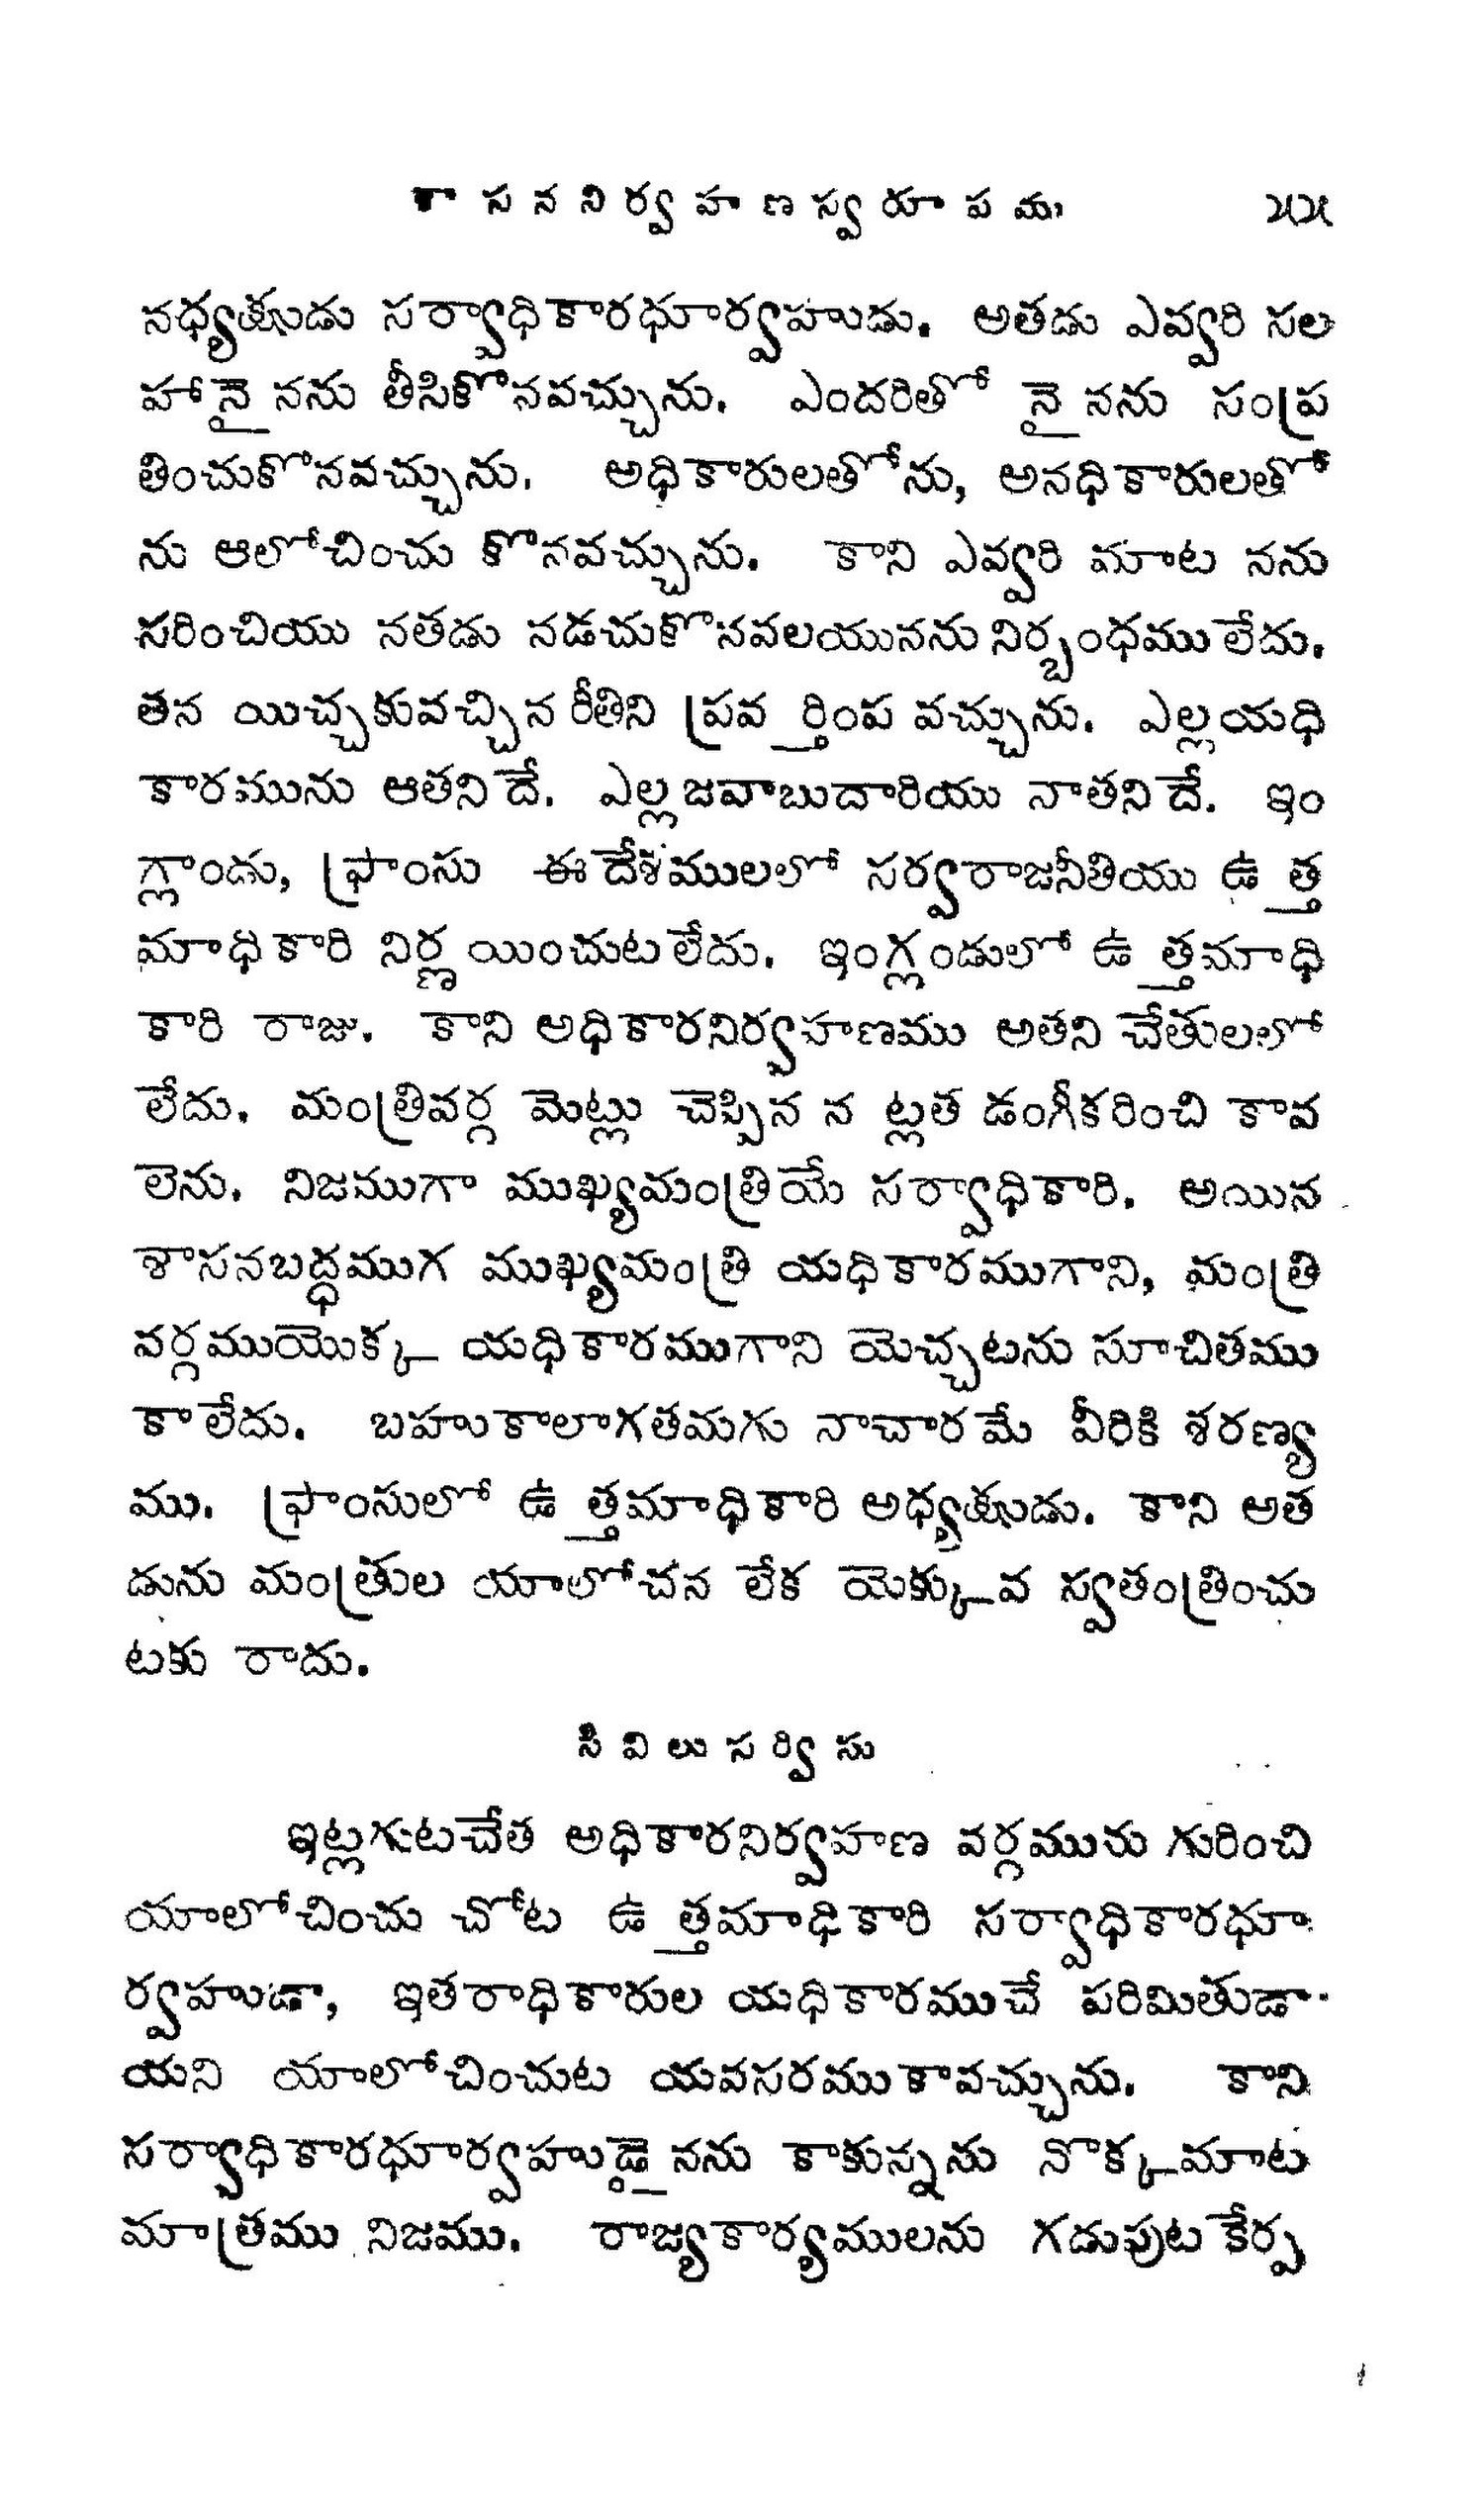నధ్యక్షుడు సర్వాధికారధూర్వహుడు. అతడు ఎవ్వరి సలహానైనను తీసికొనవచ్చును. ఎందరితో నైనను సంప్రతించుకొనవచ్చును. అధికారులతోను, అనధికారులతోను ఆలోచించు కొనవచ్చును. కాని ఎవ్వరి మాట ననుసరించియు నతడు నడచుకొనవలయునను నిర్బంధములేదు. తన యిచ్చకువచ్చిన రీతిని ప్రవర్తింప వచ్చును. ఎల్లయధికారమును ఆతని దే. ఎల్లజవాబుదారియు నాతనిదే. ఇంగ్లాండు, ఫ్రాంసు ఈదేశములలో సర్వరాజనీతియు ఉత్తమాధికారి నిర్ణయించుటలేదు. ఇంగ్లండులో ఉత్తమాధికారి రాజు. కాని అధికారనిర్వహణము అతని చేతులలో లేదు. మంత్రివర్గ మెట్లు చెప్పిన న ట్లత డంగీకరించి కావలెను. నిజముగా ముఖ్యమంత్రియే సర్వాధికారి, అయిన
శాసనబద్ధముగ ముఖ్యమంత్రి యధికారముగాని, మంత్రివర్గముయొక్క యధికారముగాని యెచ్చటను సూచితము కాలేదు. బహుకాలాగతమగు నాచారమే వీరికి శరణ్యము. ఫ్రాంసులో ఉత్తమాధికారి అధ్యక్షుడు. కాని అతడును మంత్రుల యాలోచన లేక యెక్కువ స్వతంత్రించుటకు రాదు.

ఇట్లగుటచేత అధికారనిర్వహణ వర్గమును గురించి యాలోచించు చోట ఉత్తమాధికారి సర్వాధికార ధూర్వహుడా, ఇతరాధికారుల యధికారముచే పరిమితుడా యని యాలోచించుట యవసరము కావచ్చును. కాని సర్వాధికారధూర్వహుడై నను కాకున్నను నొక్కమాట మాత్రము నిజము. రాజ్యకార్యములను గడుపుట కేర్ప